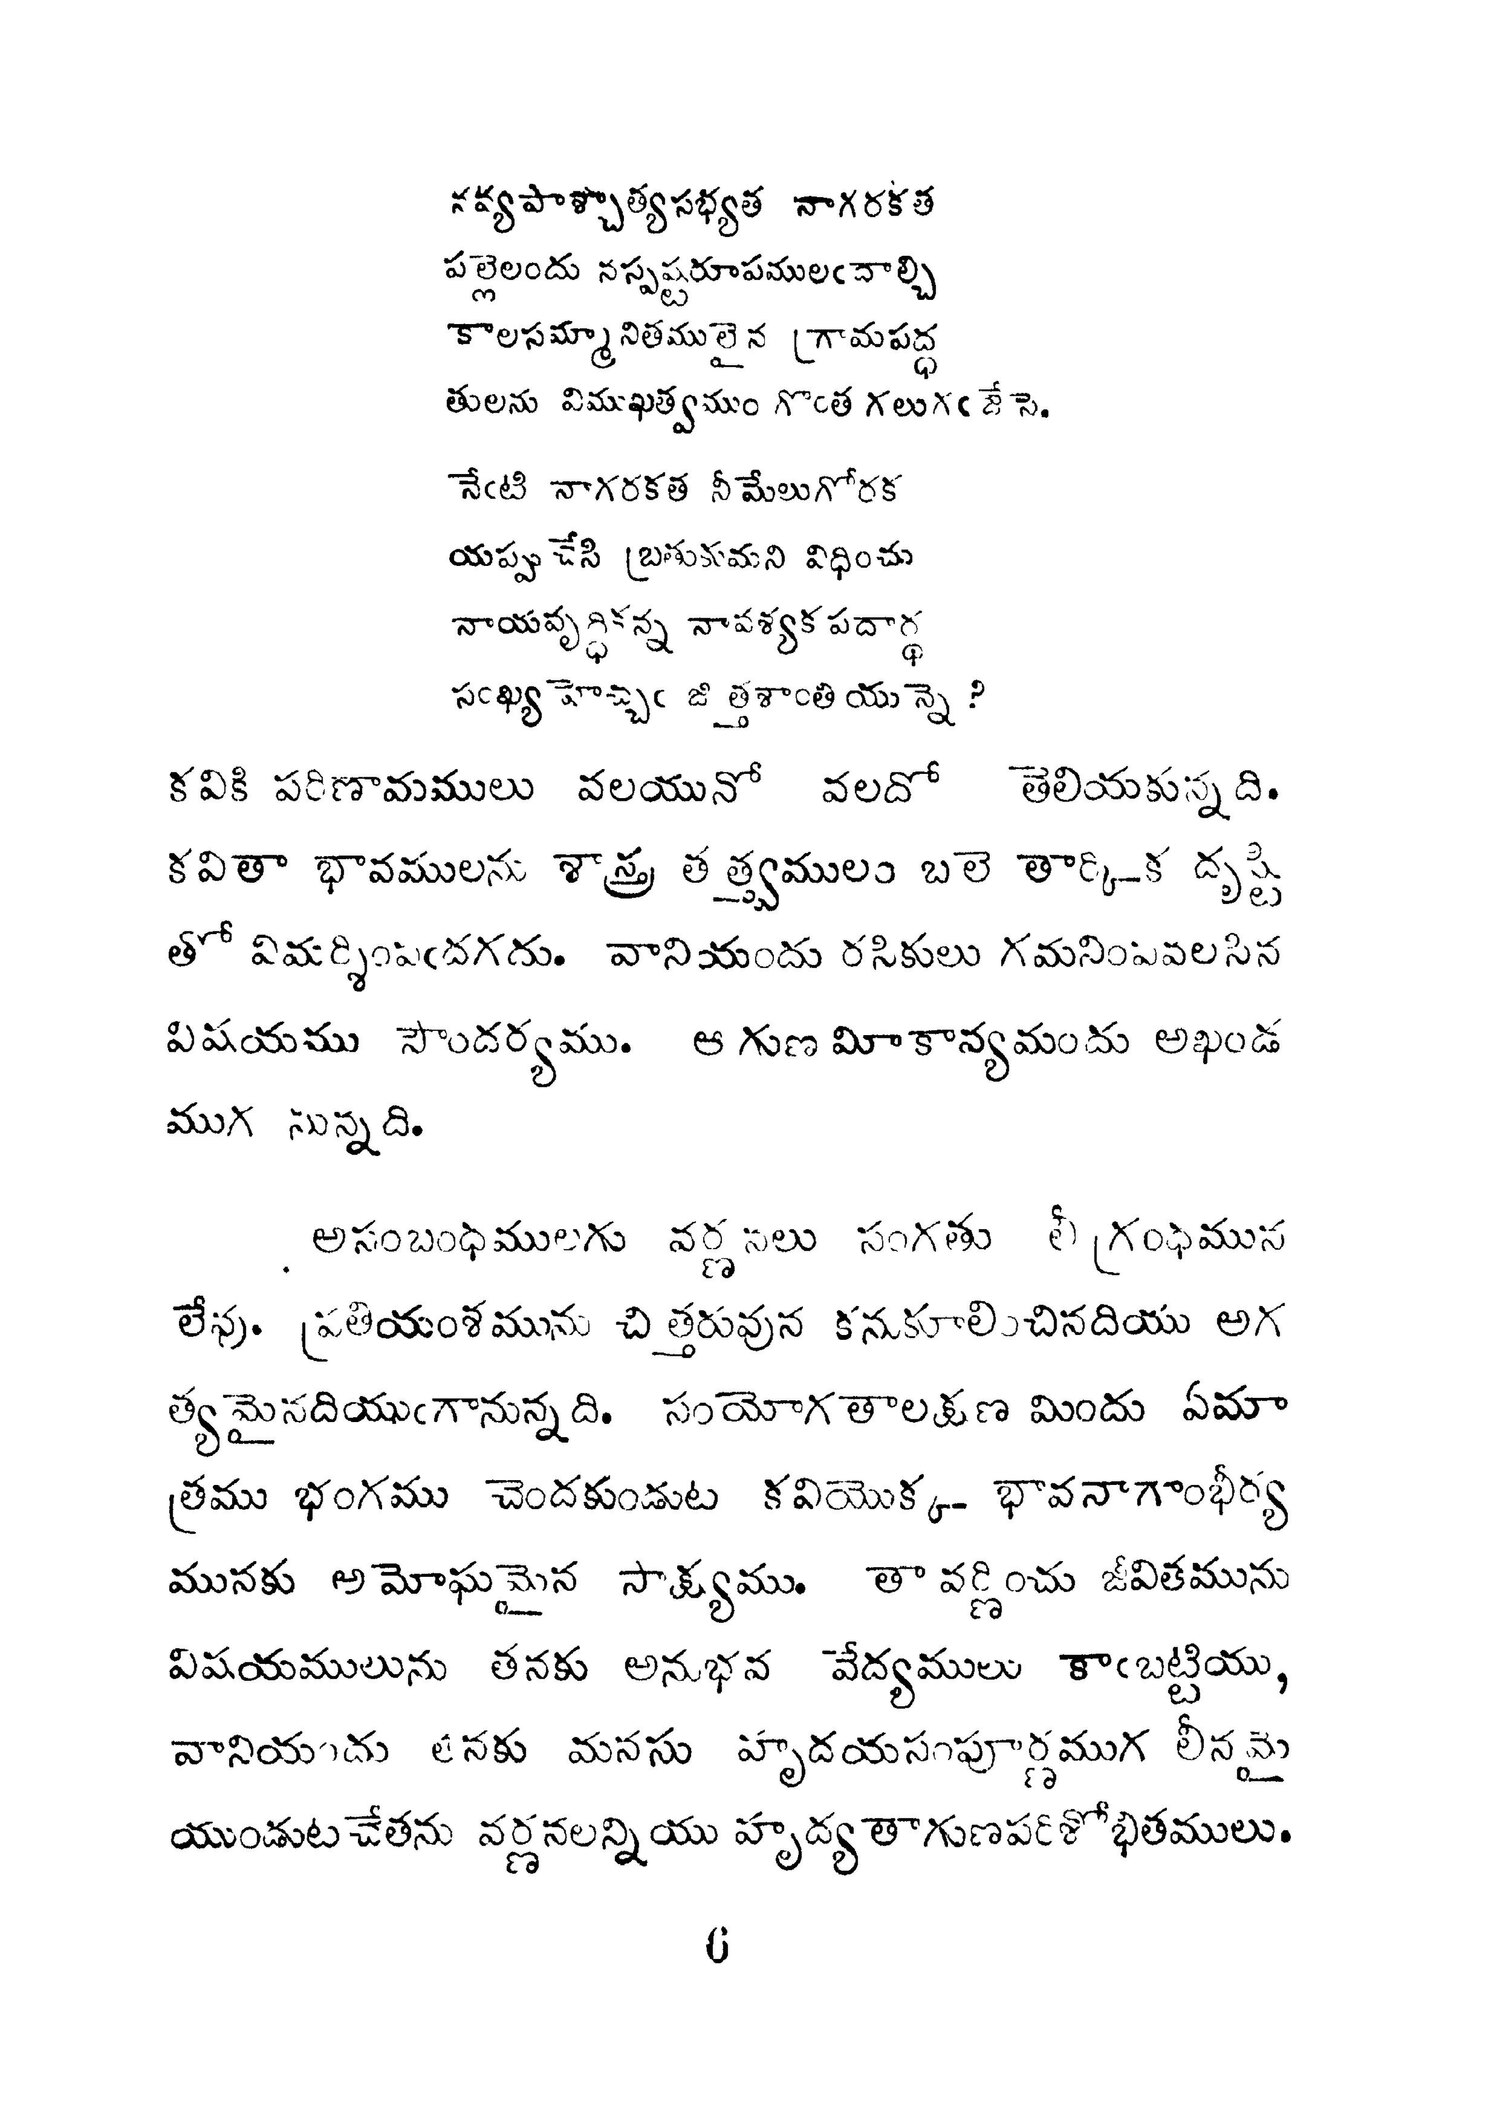కవికి పరిణామములు వలయునో వలదో తెలియకున్నది. కవితా భావములను శాస్త్ర తత్త్వములం బలె తార్కిక దృష్టితో విమర్శింపదగదు. వానియందు రసికులు గమనింపవలసిన విషయము సౌందర్యము. ఆ గుణ మీకావ్యమందు అఖండముగ నున్నది.

అసంబంధములగు వర్ణనలు సంగతు లీ గ్రంథమున లేవు. ప్రతియంశమును చిత్తరువున కనుకూలించినదియు అగత్యమైనదియుగానున్నది. సంయోగతాలక్షణ మిందు ఏమాత్రము భంగము చెందకుండుట కవియొక్క భావనాగాంభీర్యమునకు అమోఘమైన సాక్ష్యము. తా వర్ణించు జీవితమును విషయములును తనకు అనుభవ వేద్యములు కాబట్టియు, వానియందు తనకు మనసు హృదయసంపూర్ణముగ లీనమై యుండుటచేతను వర్ణనలన్నియు హృద్యతాగుణపరిశోభితములు.